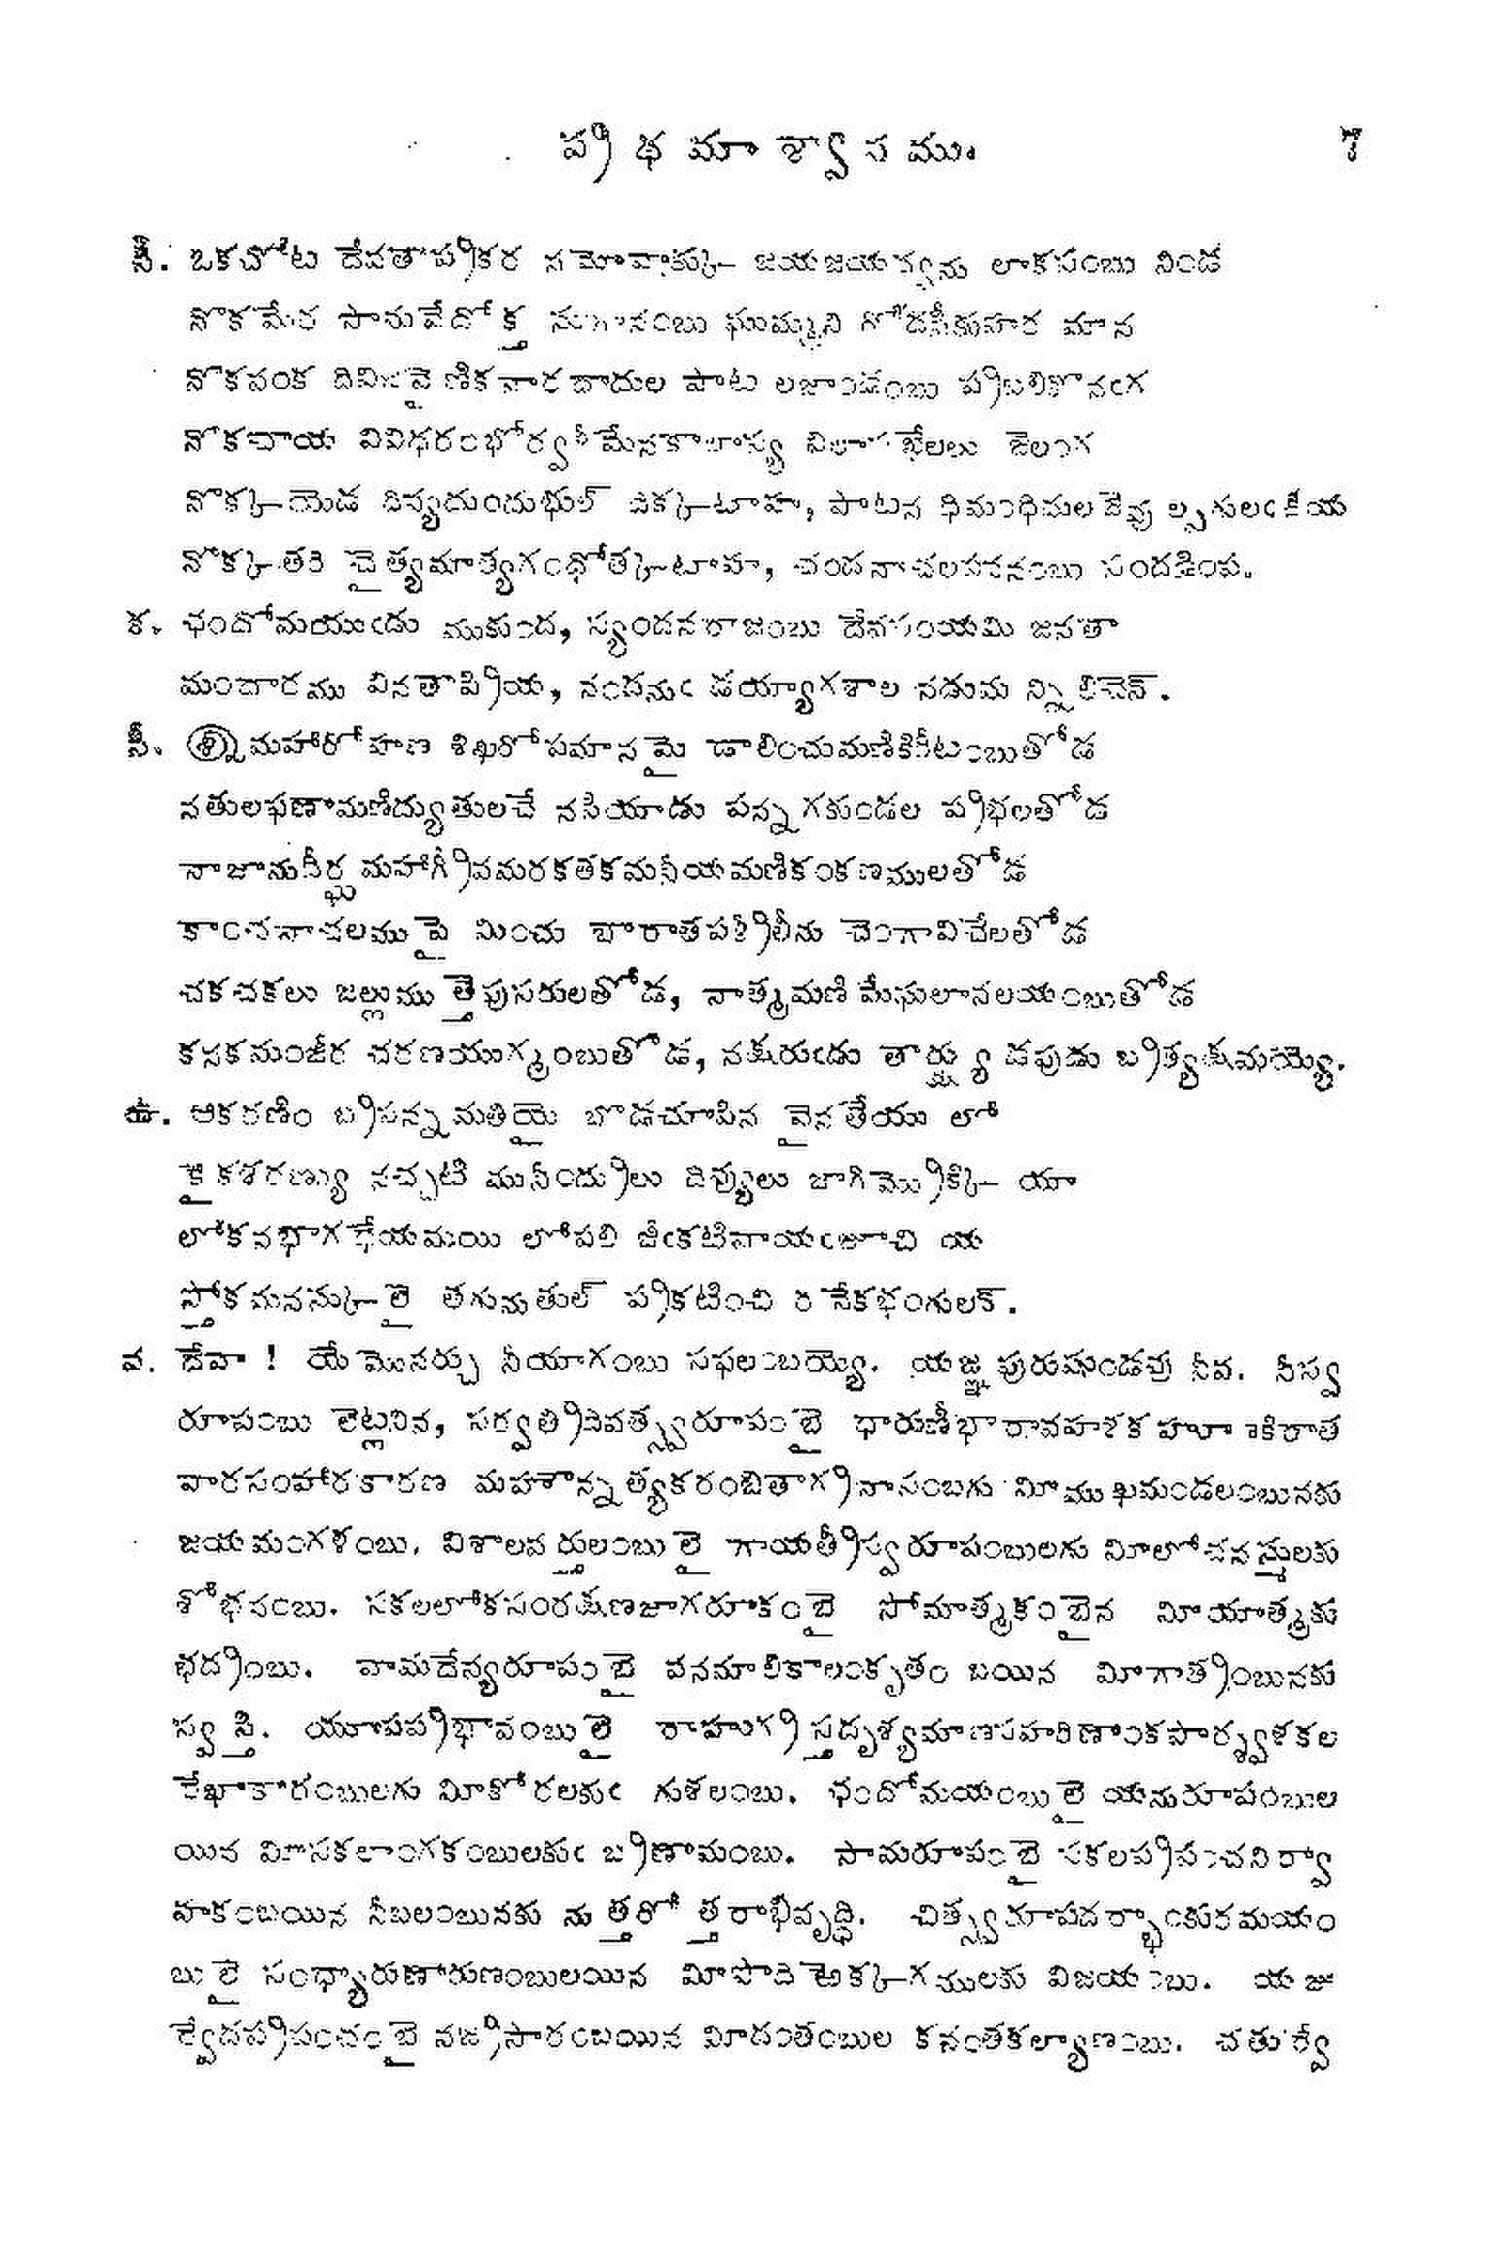సీ. ఒకచోట దేవతాప్రకర సమోవాక్కు జయజయధ్వను లాకసంబు నిండ
 నొకమేర సామవేదోక్త సుగానంబు ఘుమ్మని రోదసీకుహర మాన
 నొకవంక దివిజవైణికనారదాదుల పాట లజాండంబు ప్రబలికొనఁగ
 నొకచాయ వివిధరంభోర్వశీమేనకాలాస్య విలాసఖేలలు జెలంగ
 నొక్కయెడ దివ్యదుందుభుల్ దిక్కటాహ, పాటన ధిమంధిమల జెవు ల్పగులఁజేయ
 నొక్కతరి చైత్యమాక్యగంధోత్కటాహ, చందనాచలపవనంబు సందడింప.
క. ఛందోమయుఁడు ముకుంద, స్యందనరాజంబు దేవసంయమి జనతా
 మందారము వినతాప్రియ, నందనుఁ డయ్యాగశాల నడుమ న్నిలిచెన్.
సీ. శ్రీమహారోహణ శిఖరోపమానమై డాలించుమణికిరీటంబుతోడ
 నతులఫణామణిద్యుతులచే నసియాడు పన్నగకుండల ప్రభలతోడ
 నాజానుదీర్ఘమహాగ్రీవమరకతకమనీయమణికంకణములతోడ
 కాంచనాచలముపై మించు బారాతపశ్రీలీను చెంగావిచేలతోడ
 చకచకలు జల్లు ముత్తెపుసరులతోడ, నాత్మమణిమేఖలావలయంబుతోడ
 కనకమంజీర చరణయుగ్మంబుతోడ, నక్షరుఁడు తార్క్ష్యుఁ డపుడు బ్రత్యక్షమయ్యె.
ఉ. ఆకరణిం బ్రసన్నమతియై బొడచూపిన వైనతేయు లో
 కైకశరణ్యు నచ్చటి మునీంద్రులు దివ్యులు జాగిమ్రొక్కి యా
 లోకనభాగధేయమయి లోపలి జీఁకటి వాయఁజూచి య
 స్తోకమనస్కులై తగునుతుల్ ప్రకటించి రనేకభంగులన్.
వ. దేవా! యే మొనర్చు నీయాగంబు సఫలంబయ్యె. యజ్ఞపురుషుండవు నీవ. నీస్వ
 రూపంబు లెట్లనిన, సర్వత్రిదివత్స్వరూపంబై ధారుణీభారావహశకహూణకిరాత
 వారసంహారకారణ మహౌన్నత్యకరంబితాగ్రనాసంబగు మీముఖమండలంబునకు
 జయమంగళంబు. విశాలవర్తులంబులై గాయత్రీస్వరూపంబులగు మీలోచనమ్ములకు
 శోభనంబు. సకలలోకసంరక్షణజాగరూకంబై సోమాత్మకంబైన మీయాత్మకు
 భద్రంబు. వామదేవ్యరూపంబై వనమాలికాలంకృతం బయిన మీగాత్రంబునకు
 స్వస్తి. యూపప్రభావంబులై రాహుగ్రస్తదృశ్యమాణపహరిణాంకపార్శ్వశకల
 రేఖాకారంబులగు మీకోరలకుఁ గుశలంబు. ఛందోమయంబులై యనురూపంబుల
 యిన మీసకలాంగకంబులకుఁ బ్రణామంబు. సామరూపంబై సకలప్రపంచనిర్వా
 హకంబయిన నీబలంబునకు నుత్తరోత్తరాభివృద్ధి. చిత్స్వరూపదర్భాంకురమయం
 బులై సంధ్యారుణారుణంబులయిన మీపొదిఱెక్కగములకు విజయంబు. యజు
 ర్వేదప్రపంచంబై వజ్రసారంబయిన మీదంతంబుల కనంతకల్యాణంబు. చతుర్వే